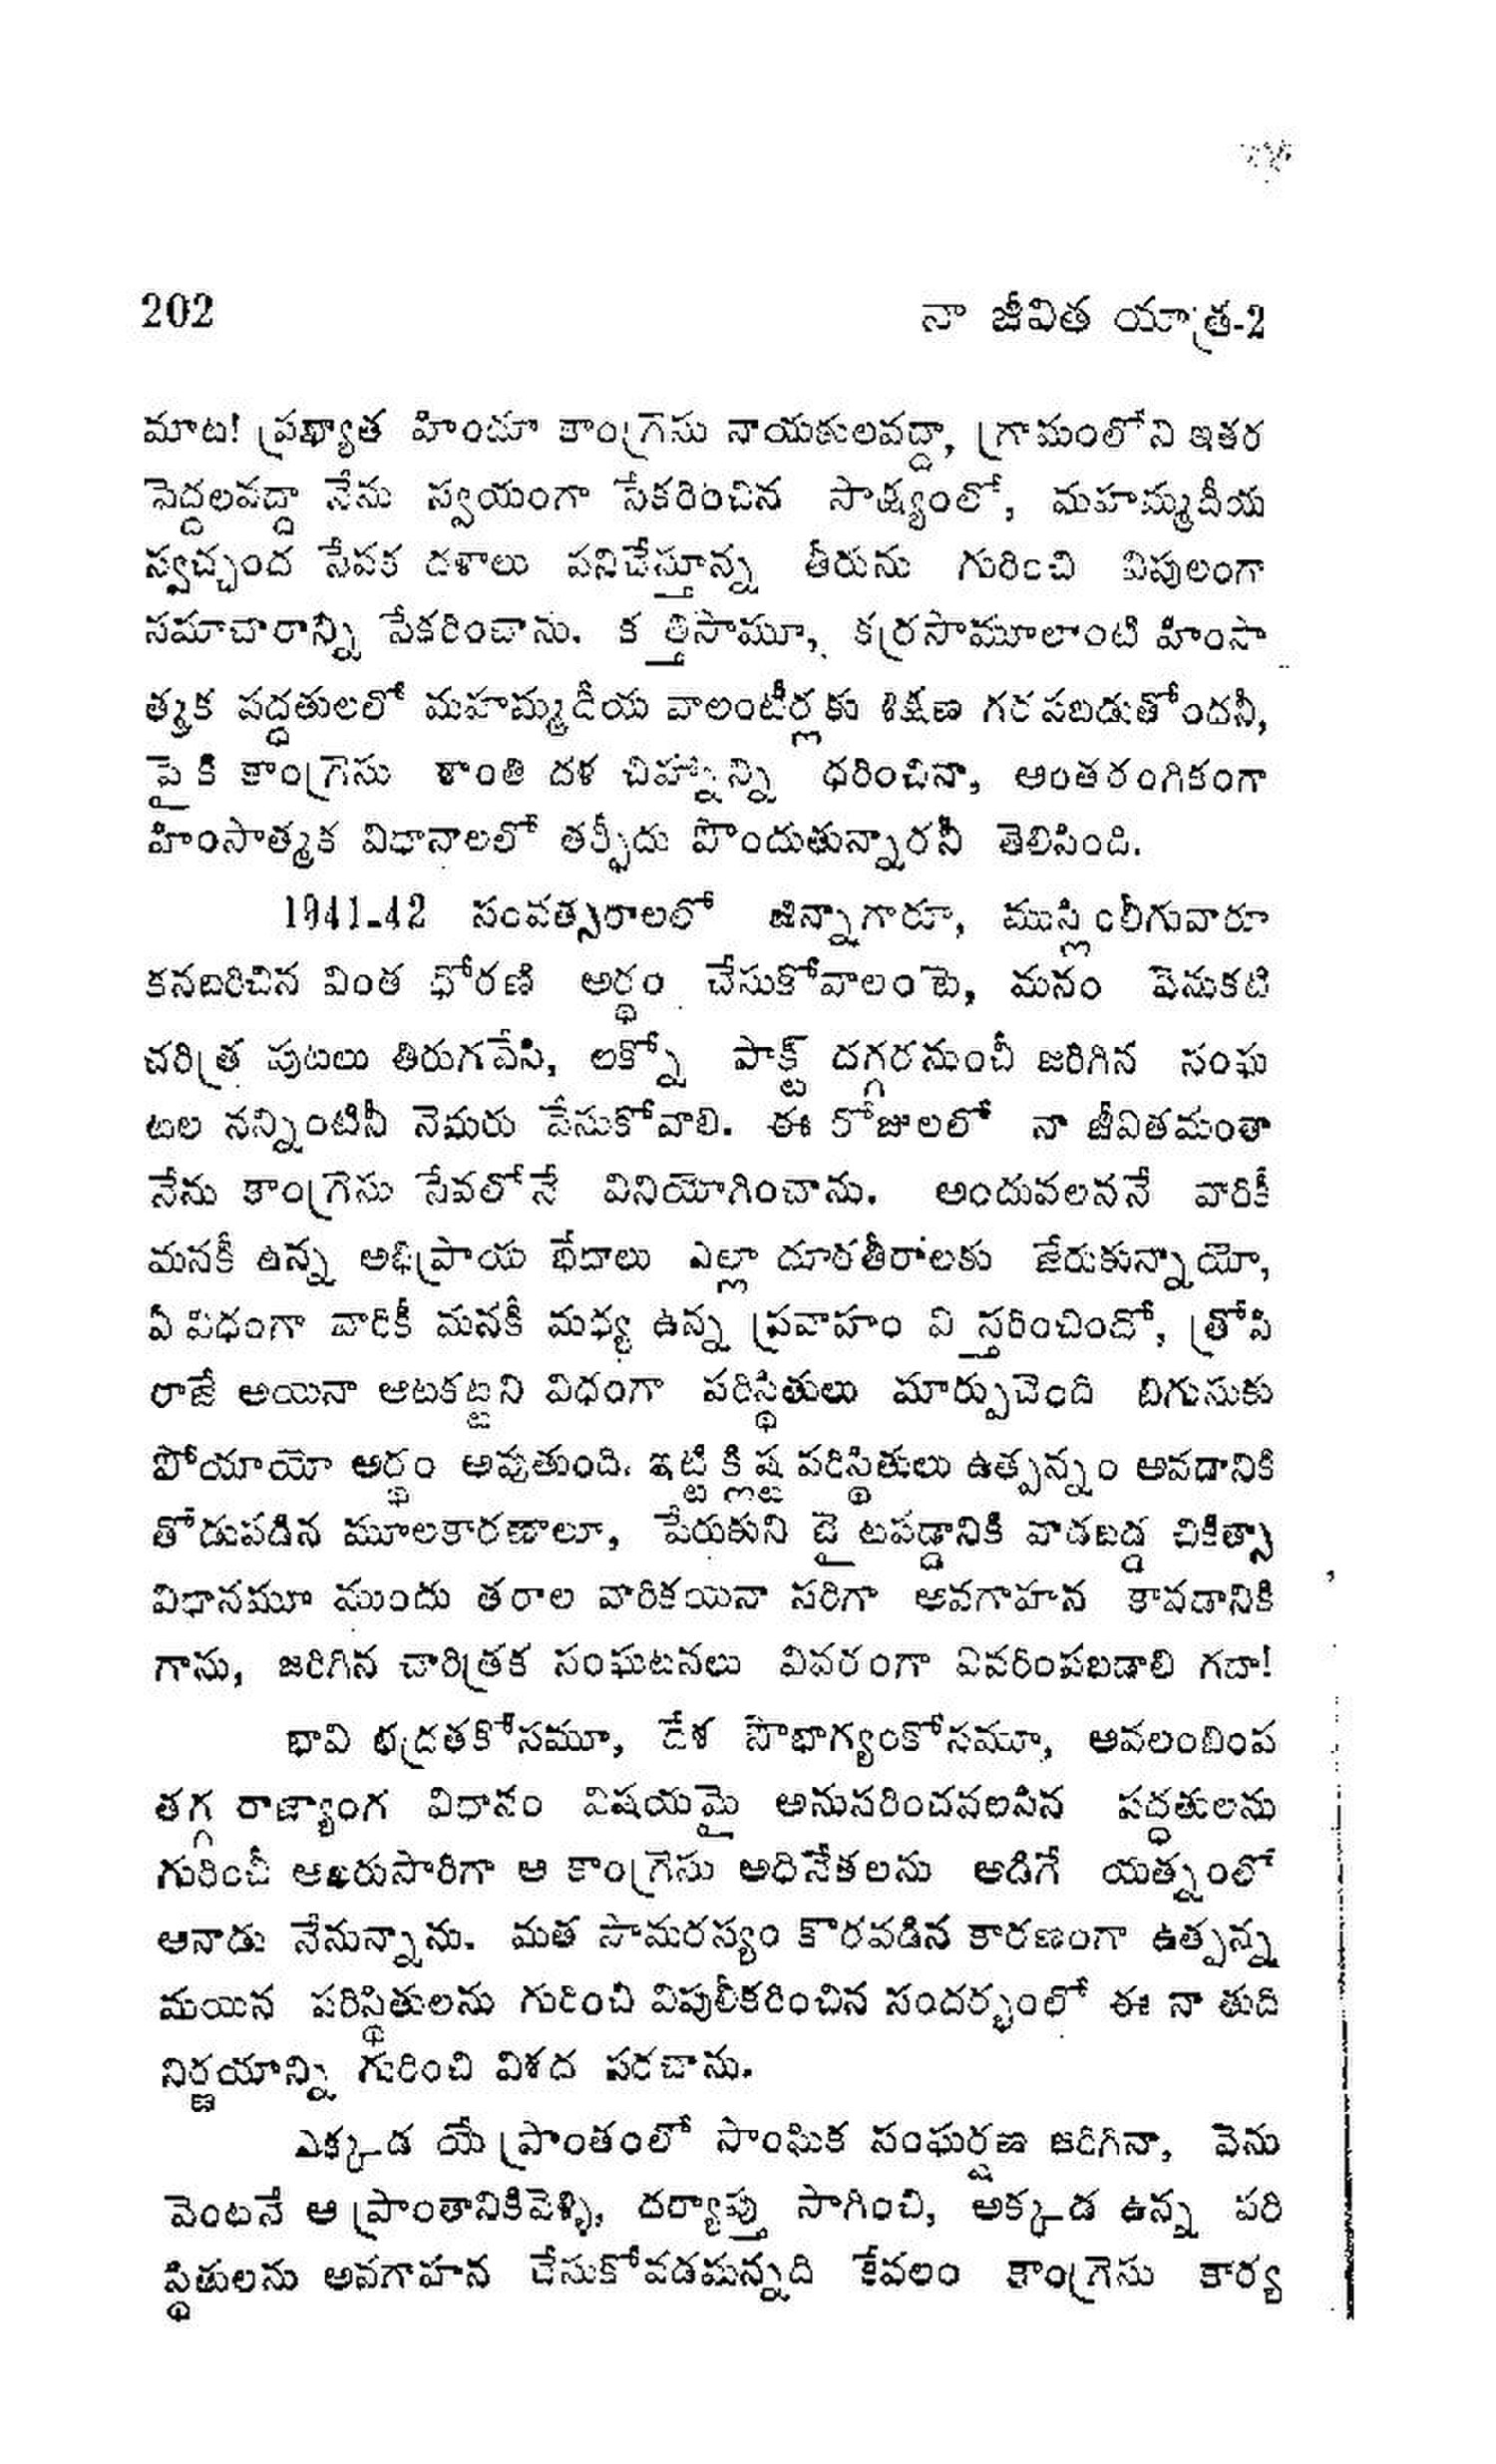మాట! ప్రఖ్యాత హిందూ కాంగ్రెసు నాయకులవద్దా, గ్రామంలోని ఇతర పెద్దలవద్దా నేను స్వయంగా సేకరించిన సాక్ష్యంలో, మహమ్మదీయ స్వచ్చంద సేవక దళాలు పనిచేస్తూన్న తీరును గురించి విపులంగా సమాచారాన్ని సేకరించాను. కత్తిసామూ, కర్రసామూలాంటి హింసాత్మక పద్ధతులలో మహమ్మదీయ వాలంటీర్లకు శిక్షణ గరపబడుతోందనీ, పైకి కాంగ్రెసు శాంతి దళ చిహ్నాన్ని ధరించినా, అంతరంగికంగా హింసాత్మక విధానాలలో తర్ఫీదు పొందుతున్నారనీ తెలిసింది.

1941-42 సంవత్సరాలలో జిన్నాగారూ, ముస్లింలీగు వారూ కనబరచిన వింత ధోరణి అర్థం చేసుకోవాలంటె, మనం వెనుకటి చరిత్ర పుటలు తిరుగవేసి, లక్నో పాక్ట్ దగ్గరనుంచీ జరిగిన సంఘటల నన్నింటినీ నెమరు వేసుకోవాలి. ఈ రోజులలో నా జీవితమంతా నేను కాంగ్రెసు సేవలోనే వినియోగించాను. అందువలననే వారికీ మనకీ ఉన్న అభిప్రాయ బేదాలు ఎల్లా దూరతీరాలకు జేరుకున్నాయో, ఏ విధంగా వారికి మనకీ మధ్య ఉన్న ప్రవాహం విస్తరించిందో, త్రోసి రాజే అయినా ఆటకట్టని విధంగా పరిస్థితులు మార్పుచెంది బిగుసుకు పోయాయో అర్థం అవుతుంది. ఇట్టి క్లిష్ట పరిస్థితులు ఉత్పన్నం అవడానికి తోడుపడిన మూలకారణాలూ, పేరుకొని బైటపడ్డానికి వాడబడ్డ చికిత్సా విధానమూ ముందు తరాల వారికయినా సరిగా అవగాహన కావడానికి గాను, జరిగిన చారిత్రక సంఘటనలు వివరంగా వివరింపబడాలి గదా!

భావి భద్రతకోసమూ, దేశ సౌభాగ్యంకోసమూ, అవలంబింప తగ్గ రాజ్యాంగ విధానం విషయమై అనుసరించవలసిన పద్ధతులను గురించీ ఆఖరుసారిగా అ కాంగ్రెసు అధినేతలను అడిగే యత్నంలో అ నాడు నేనున్నాను. మత సామరస్యం కొరవడిన కారణంగా ఉత్పన్న మయిన పరిస్థితులను గురించి విపులీకరించిన సందర్భంలో ఈ నా తుది నిర్ణయాన్ని గురించి విశద పరచాను.

ఎక్కడ యే ప్రాంతంలో సాంఘిక సంఘర్షణ జరిగినా, వెనువెంటనే ఆ ప్రాంతానికి వెళ్ళి, దర్యాప్తు సాగించి, అక్కడ ఉన్న పరిస్థితులను అవగాహన చేసుకోవడమన్నది కేవలం కాంగ్రెసు కార్య